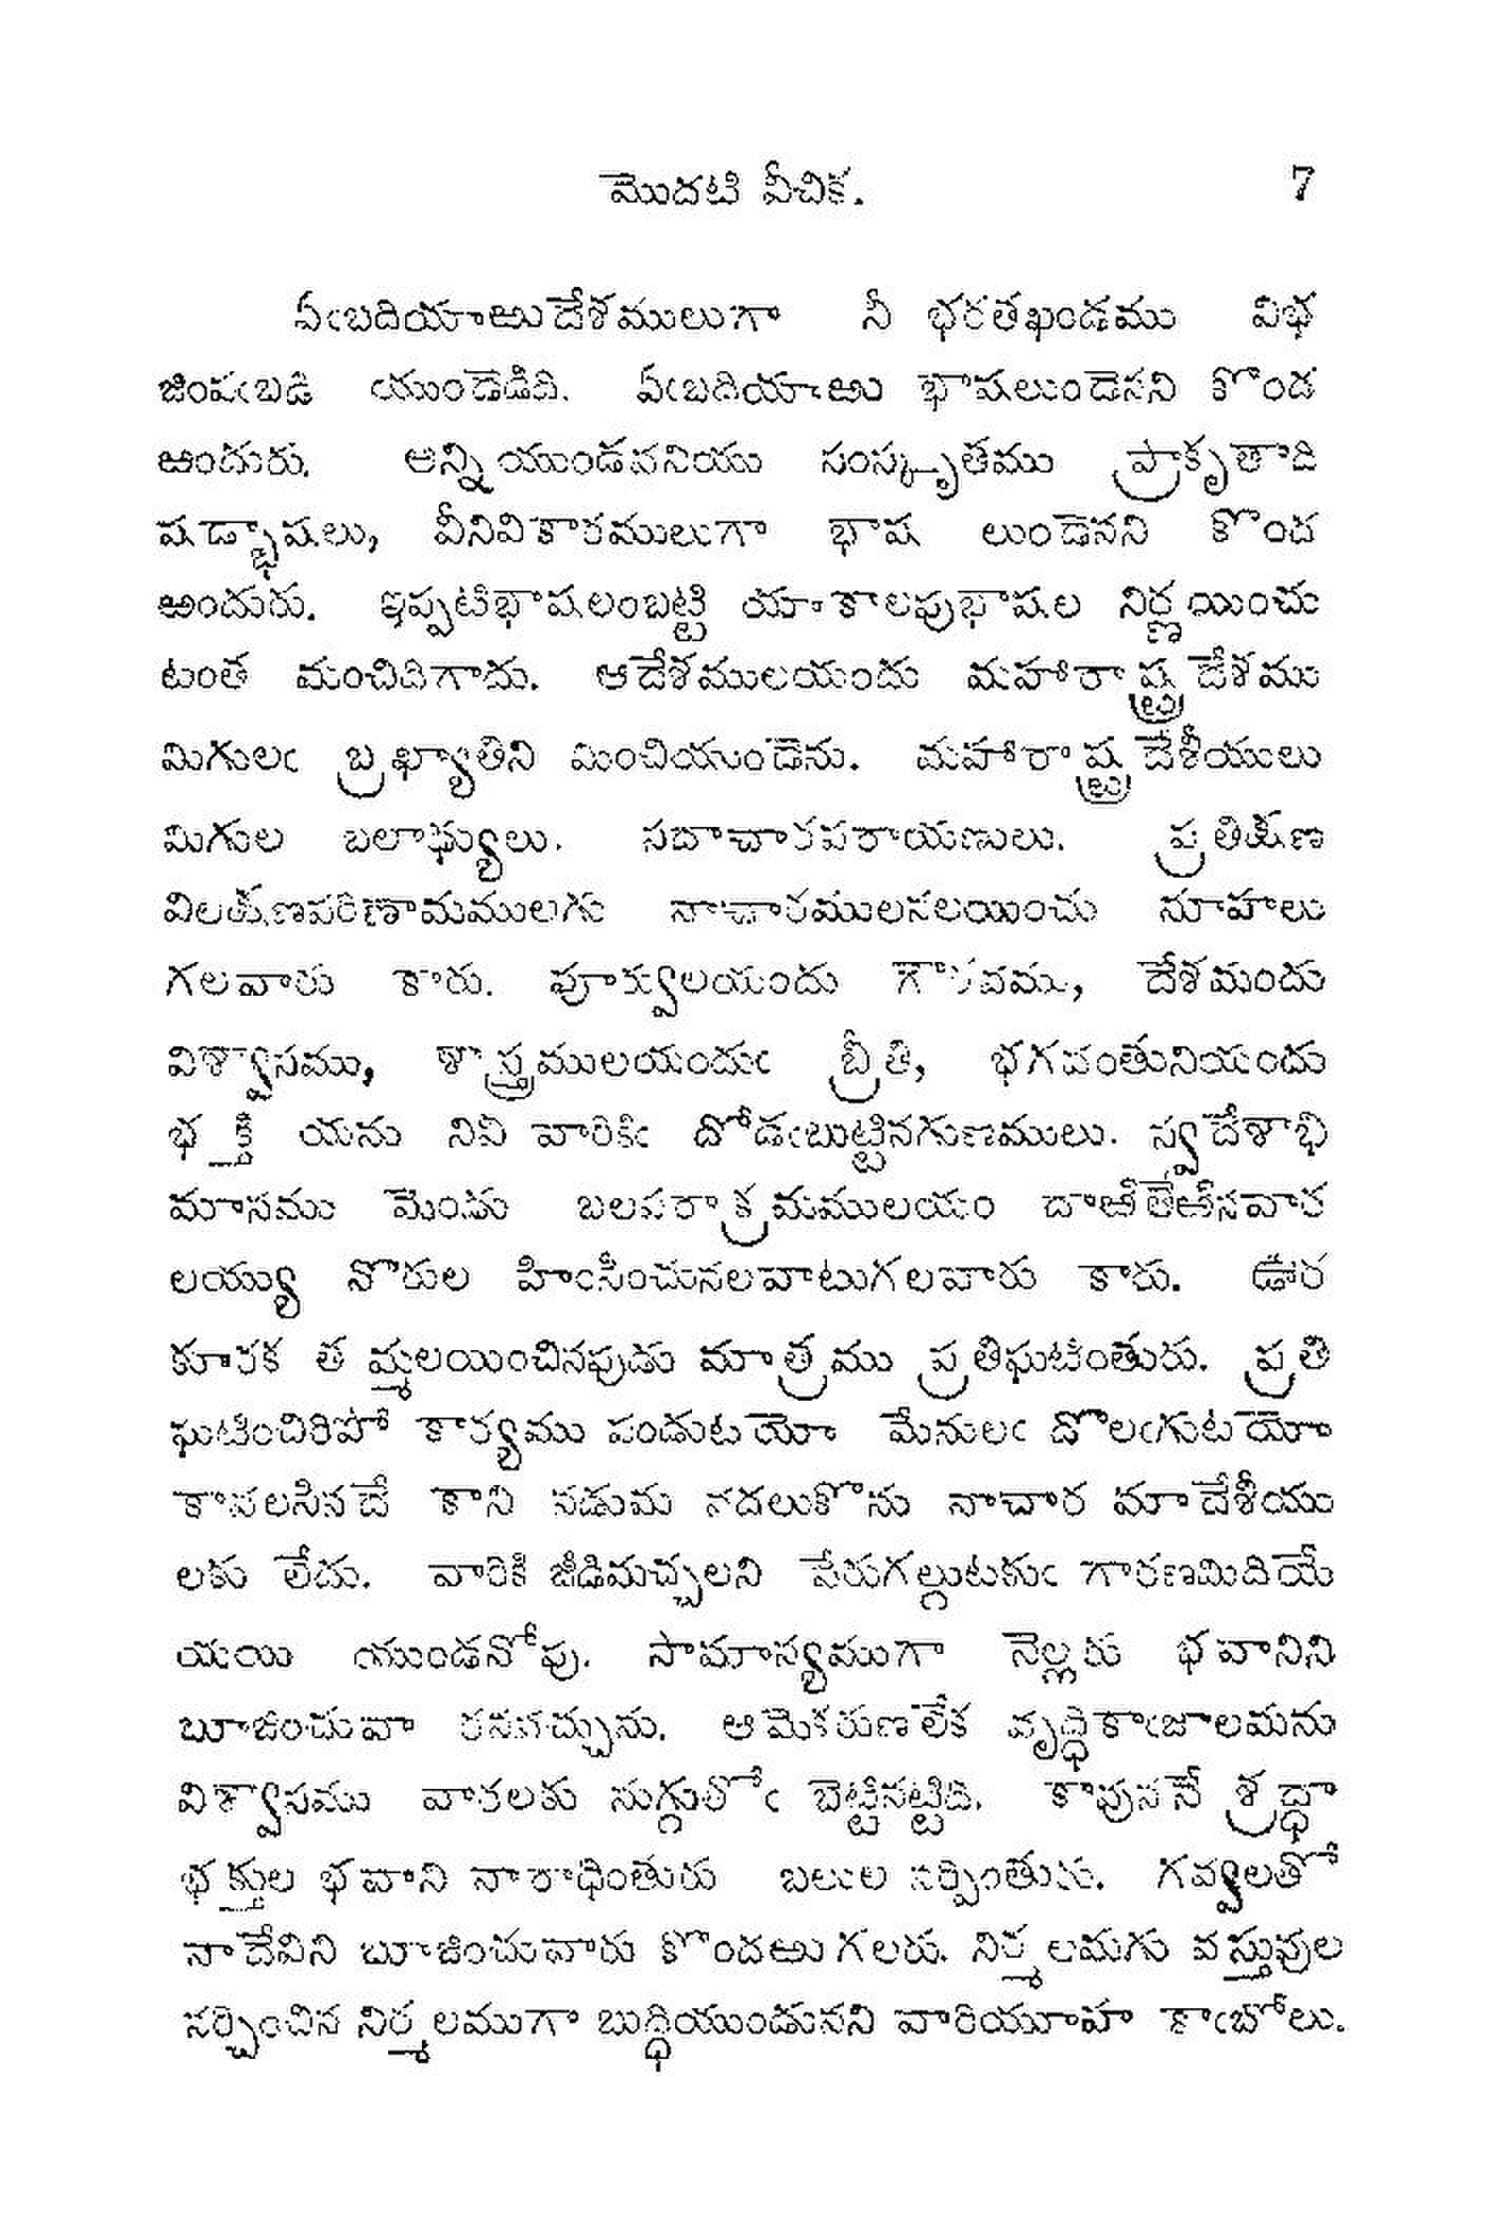ఏఁబదియాఱు దేశములుగా నీ భరతఖండము విభజింపబడి యుండెడిది. ఏబదియాఱు భాషలుండెనని కొంద ఱందురు. అన్ని యుండవనియు సంస్కృతము ప్రాకృతాది షడ్బాషలు, వీనివికారములుగా భాష లుండెనని కొంద ఱందురు.ఇప్పటి భాషలంబట్టి యా కాలపుభాషల నిర్ణయించు టంత మంచిదిగాదు. ఆ దేశములయందు మహారాష్ట్ర దేశము మిగులఁ బ్రఖ్యాతిని మించియుండెను. మహారాష్ట్ర దేశీయులు మిగుల బలాఢ్యులు. సదాచార పరాయణులు. ప్రతిక్షణ విలక్షణపరిణామములగు నాచారములసలయించు నూహలు గలవారు కారు. పూర్వులయందు గౌరవము, దేశమందు విశ్వాసము, శాస్త్రములయందుఁ బ్రీతి , భగవంతునియందు భక్తి యను నివి వారికిఁ దోడఁబుట్టినగుణములు. స్వదేశాభిమానము మెండు బలప రాక్రమములయం దాఱితేరిన వారలయ్యు నొరుల హింసించునలవాటుగలవారు కారు. ఊరకూరక తమ్మలయించినపుడు మాత్రము ప్రతిఘటింతురు. ప్రతిఘటించిరిపో కార్యము పండుటయో మేనులఁ దొలఁగుట యో కావలసినదే కాని నడుమ వదలుకొను నాచార మాదేశీయు లకు లేదు. వారికి జీడిమచ్చలని పేరుగల్గుటకుఁ గారణమిదియే యయి యుండనోపు. సామాన్యముగా నెల్లరు భవానిని బూజించువా రనవచ్చును. ఆమెకరుణ లేక వృద్దికాఁజాలమను విశ్వాసము వారలకు సుగ్గులోఁ బెట్టినట్టిది. కావుననే శ్రద్ధా భక్తుల భవాని నారాధింతురు బలుల నర్పింతురు. గవ్వలతో నాదేవిని బూజించువారు కొందఱు గలరు. నిర్మలమగు వస్తువుల నర్చించిన నిర్మలముగా బుద్ధియుండునని వారియూహ కాఁబోలు.
-